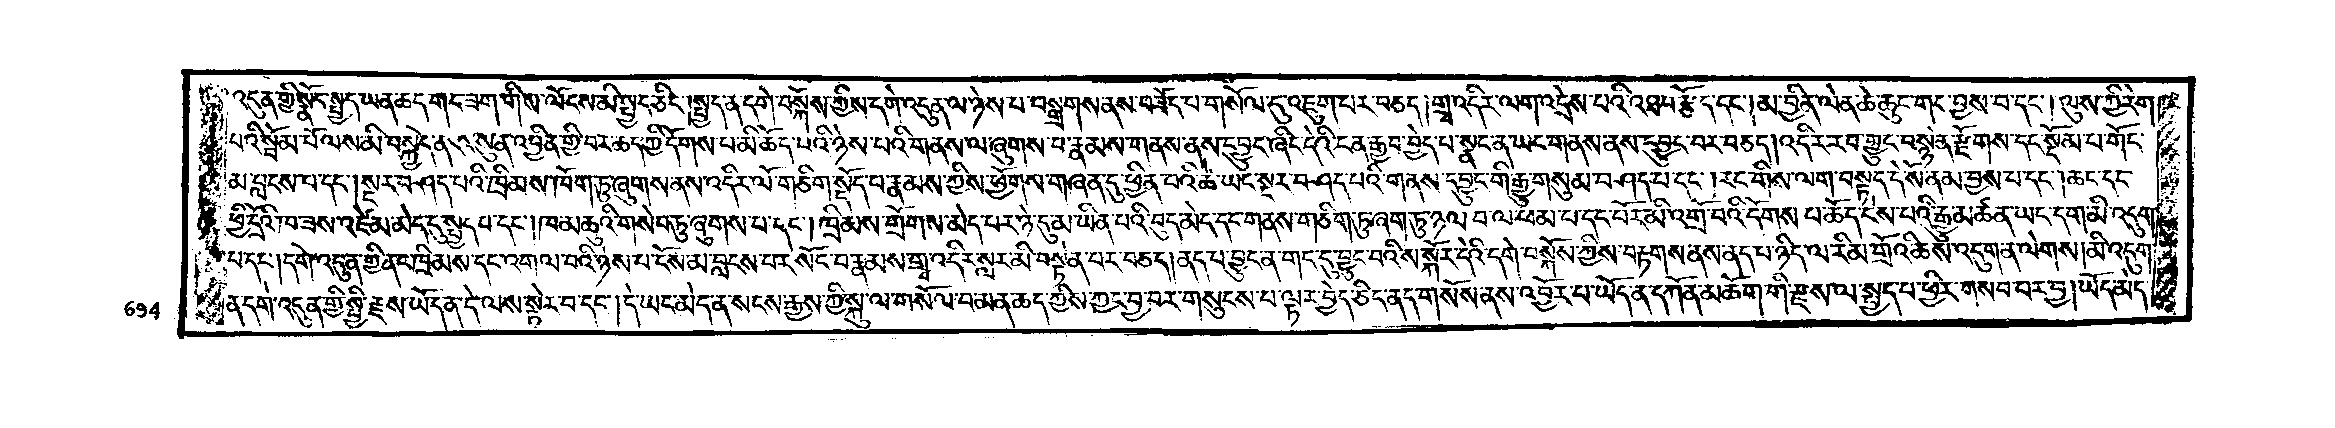འདུན་གྱི་སྣོད་སྤྱད་ཡན་ཆད་གང་ཟག་གིས་ལོངས་མི་སྤྱད་ཅིང་། སྤྱད་ན་དགེ་བསྐོས་ཀྱིས་དགེ་འདུན་ལ་ཉེས་པ་བསྒྲགས་ནས་བཟོད་པ་གསོལ་དུ་འཇུག་པར་བཅད། གྲྭ་འདིར་ལག་འདྲེས་པའི་འཐབ་རྩོད་དང་། མ་བྱིན་ལེན་ཆེ་ཆུང་གང་བྱས་པ་དང་། ལུས་ཀྱི་རེག་
པའི་སྦེམ་པོ་ལས་མི་བསྐྱེད་ནའང་སུན་འབྱིན་གྱི་བར་ཆད་ཀྱི་དོགས་པ་མི་ཆོད་པའི་ཉེས་པའི་གནས་ལ་ཞུགས་པ་རྣམས་གནས་ནས་དབྱུང་ཞིང་དེའི་ངན་རྒྱབ་བྱེད་པ་སྣང་ན་ཡང་གནས་ནས་དབྱུང་བར་བཅད། འདིར་རབ་བྱུང་བསྙེན་རྫོགས་དང་སྡོམ་པ་གོང་
མ་བླངས་པ་དང་། སྔར་བཤད་པའི་ཁྲིམས་ཁོག་ཏུ་ཞུགས་ནས་འདིར་ལོ་གཅིག་སྡོད་པ་རྣམས་ཀྱིས་ཕྱོགས་གཞན་དུ་ཕྱིན་པའི་ཚེ་ཡང་སྔར་བཤད་པའི་གནས་དབྱུང་གི་རྒྱུ་གསུམ་བཤད་པ་དང་། རང་གིས་ལག་བསྟད་དེ་སོ་ནམ་བྱས་པ་དང་། ཆང་དང་
ཕྱི་དྲོའི་ཁ་ཟས་འཛེམ་མེད་དུ་སྤྱད་པ་དང་། ཁ་མཆུའི་གསེབ་ཏུ་ཞུགས་པ་དང་། ཁྲིམས་གྲོགས་མེད་པར་ཉེ་དུ་མ་ཡིན་པའི་བུད་མེད་དང་གནས་གཅིག་ཏུ་ཞག་ཏུ་ཉལ་བ་ལ་ཕམ་པ་དང་པོར་མི་འགྲོ་བའི་དོགས་པ་ཆོད་ངེས་པའི་རྒྱུ་མཚན་ཡང་དག་མི་འདུག་
པ་དང་། དགེ་འདུན་གྱི་ནང་ཁྲིམས་དང་འགལ་བའི་ཉེས་པ་ངོས་མ་བླངས་པར་སོང་བ་རྣམས་གྲྭ་འདིར་སླར་མི་བསྟེན་པར་བཅད། ནད་པ་བྱུང་ན་གང་དུ་བྱུང་བའི་ས་སྐོར་དེའི་དགེ་བསྐོས་ཀྱིས་བརྟགས་ནས་ནད་པ་ཉིད་ལ་རིམ་གྲོའི་ཆིས་འདུག་ན་ལེགས། མི་འདུག་
ན་དགེ་འདུན་གྱི་སྤྱི་རྫས་ཡོད་ན་དེ་ལས་སྟེར་བ་དང་། དེ་ཡང་མེད་ན་སངས་རྒྱས་ཀྱི་སྐུ་ལ་གསོལ་བ་མན་ཆད་ཀྱིས་ཀྱང་བྱ་བར་གསུངས་པ་ལྟར་བྱེད་ཅིང་ནད་གསོས་ནས་འབྱོར་པ་ཡོད་ན་དཀོན་མཆོག་གི་རྫས་ལ་སྤྱད་པ་ཕྱིར་གསབ་པར་བྱ། ཡོད་མེད་